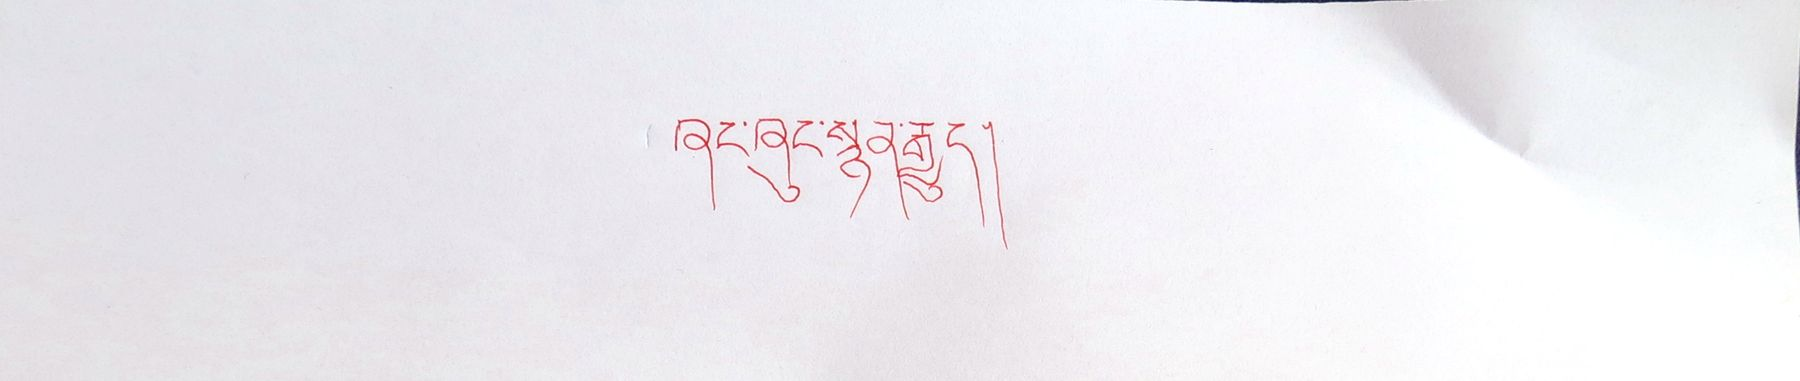ཞང་ཞུང་སྙན་རྒྱུད།